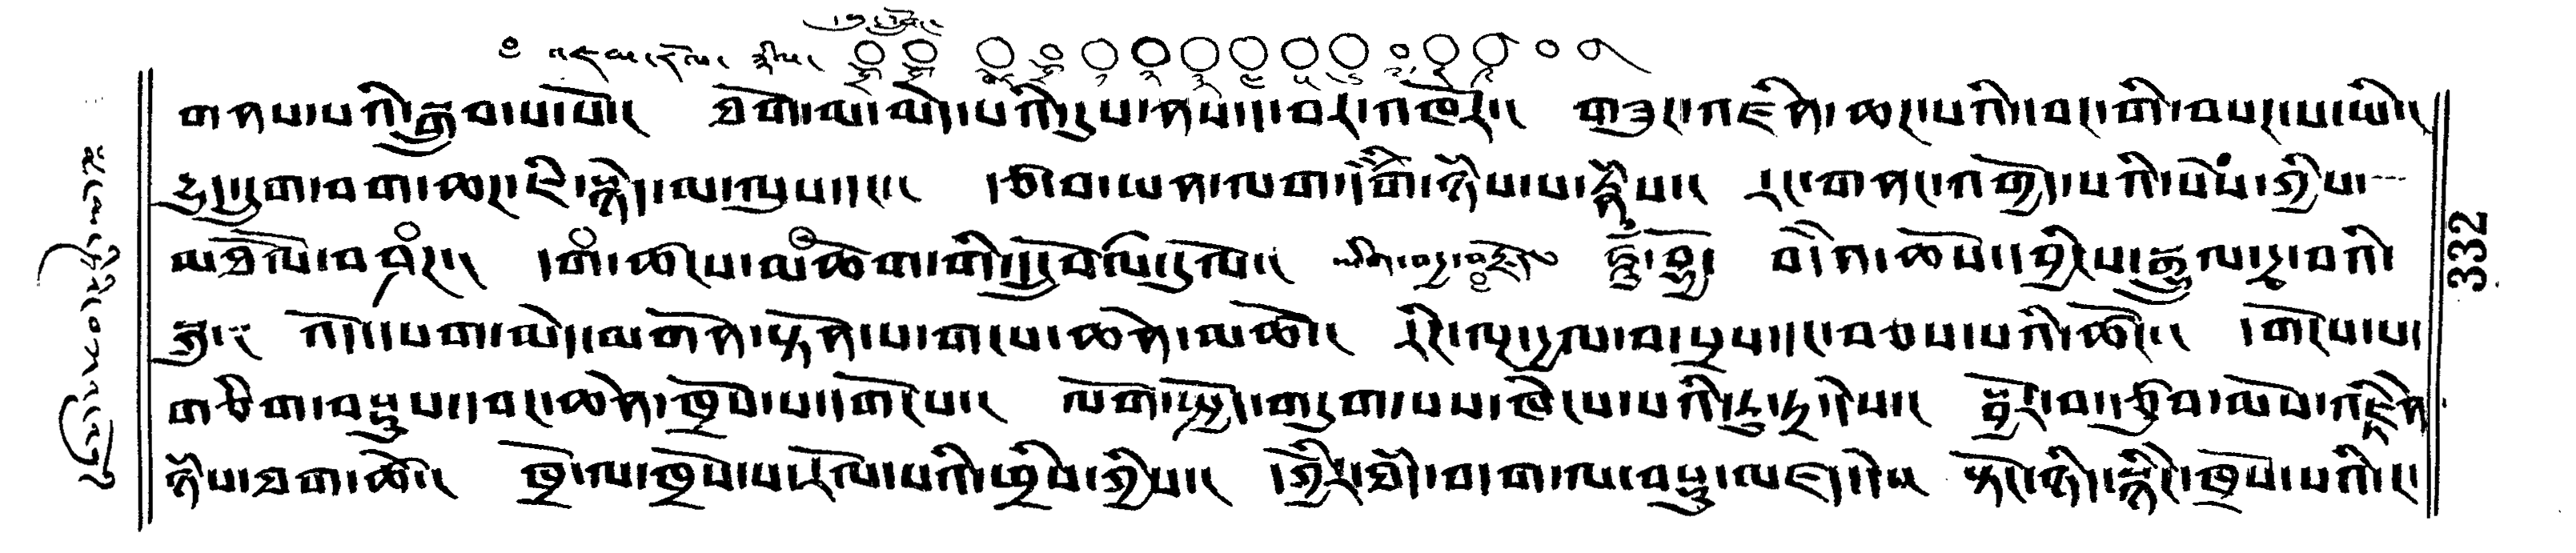གནས་པའི་སྒྲུབ་པ་པོ། །ཐོག་མ་མེད་པའི་དུས་ནས་ད་བར་འཁོར། །གཟུགས་འཛིན་ཆགས་པའི་དབང་གིས་བསགས་པ་ཡི། །
རྒྱུད་དྲུག་བག་ཆགས་ཇི་སྙེད་མ་ལུས་དང་། །རྩ་བ་ཡན་ལག་དམ་ཚིག་ཉམས་པ་རྣམས། །རང་གནོང་འགྱོད་པའི་སེམས་ཀྱིས་
མཐོལ་ལོ་བཤགས། །དག་ཚངས་མཆོག་གི་དངོས་གྲུབ་བསྩལ་དུ་གསོལ། ཡིག་བརྒྱ་བརྗོད། ཧཱུྃ་བྷྱོ། བདེ་ཆེན་ཆོས་དབྱིངས་སྒྱུ་འཕྲུལ་དྲྭ་བའི་
སྐུ། །འོད་དཔག་མེད་མགོན་སྟོན་པ་གང་ཆེན་མཚོ། །རིགས་ལྔ་རྒྱལ་བ་སྲས་དང་བཅས་པའི་ཚོགས། །དགོངས་པ་
གཅིག་བསྡུས་དབང་ཆེན་ཁྲོས་པ་དགོངས། །ལོག་སྤྱོད་གདུག་པས་ཁེངས་པའི་རུ་ཏྲ་དེས། །སྦྱོར་བ་རྩུབ་མོས་འཇིག་རྟེན་
ཉམ་ཐག་ཚེ། །ཁྲོ་ལ་ཁྲོས་པ་རོལ་པའི་ཕྲིན་ལས་ཀྱིས། །དཀྱིལ་འཁོར་ཐམས་ཅད་བདག་ལ་བསྡུ་མཛད་དེ། །སྟོང་ཉིད་སྙིང་རྗེ་ཁྲོས་པའི་ང་